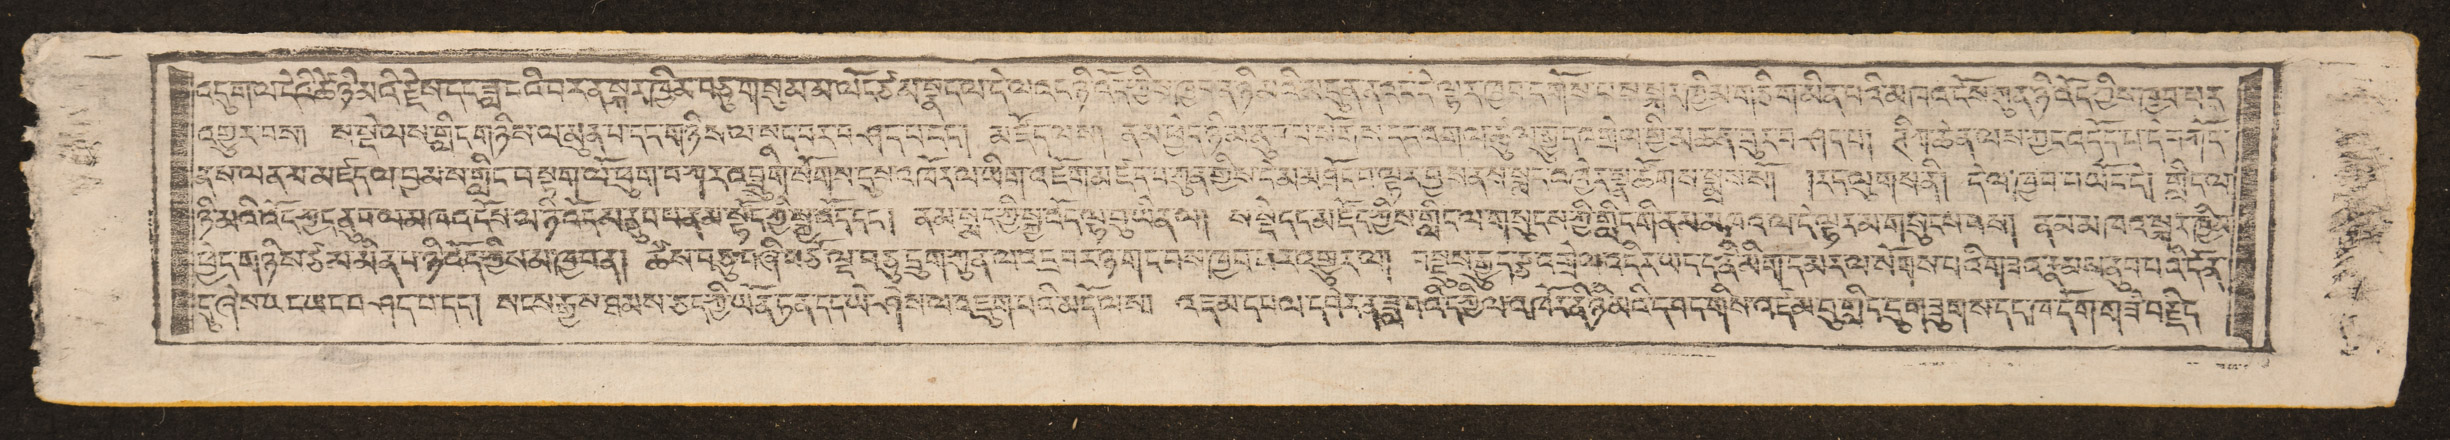འདུག་ལ་དེའི་ཚེ་ཉི་མའི་རྗེས་དང་ཟླ་བའི་བར་ན་སྐར་ཁྱིམ་བཅུ་གསུམ་མ་ལོང་ཙམ་སྣང་ལ་དེ་ལའང་ཉི་འོད་ཀྱིས་ཁྱབ་ན་ཉི་མའི་མདུན་ནའང་དེ་ལྟར་ཁྱབ་དགོས་པས་སྐར་ཁྱིམ་གཅིག་མིན་པའི་མཁའ་ངོས་ཀུན་ཉི་འོད་ཀྱིས་ཁྱབ་པར་
འགྱུར་བས། ས་སྡེ་ལས་གླིང་གཉིས་ལ་མུན་པ་དང་གཉིས་ལ་སྣང་པར་བཤད་བ་དང་། མཛོད་ལས། ནམ་ཕྱེད་ཉི་མ་ནུབ་པ་སོགས་དང་འགལ་ཚུལ་རྒྱུད་འགྲེལ་གྱི་མཆན་བུར་བཤད་པ། ཊིཀ་ཆེན་ལས་ཀྱང་འདོད་པ་དེ་བཀོད་
ནས་ལན་མ་མཛད་ལ་བྱམས་གླིང་པ་སྟག་ལོ་ཕུག་བ་ཀར་འབྲུག་སོགས་དུས་འཁོར་ལ་ཡིག་འཇོག་མཛད་པ་ཀུན་གྱིས་དེ་མ་མཐོང་བ་ལྟར་བྱས་ནས་སྨད་འཁྱེར་སྣ་ཚོགས་སྨྲས་སོ། །རང་ལུགས་ནི། དེ་ལ་ཁྱབ་པ་ཡོད་དེ། གླིང་ལ་
ཉི་མའི་འོད་ཀྱང་ནུབ་ལ་མཁའ་ངོས་ལ་ཉི་འོད་མ་ནུབ་པ་ནམ་སྟོང་ཀྱི་སྐྱ་འོད་དང་། ནམ་སྨད་ཀྱི་སྐྱ་འོད་ལྟ་བུ་ཡིན་ལ། ས་སྡེ་དང་མཛོད་ཀྱིས་གླིང་ལ་གསུངས་ཀྱི་གླིང་གི་ནམ་མཁའ་ལ་དེ་ལྟར་མ་གསུངས་པས། ནམ་མཁའ་སྐར་ཁྱིམ་
ཕྱེད་གཉིས་ཙམ་མིན་པ་ཉི་འོད་ཀྱིས་མ་ཁྱབ་ན། ཚེས་བཅུ་བཞི་བཅོ་ལྔ་བཅུ་དྲུག་ཀུན་ལ་འདྲ་བར་ཉ་གང་བས་ཁྱབ་པར་འགྱུར་ལ། བསྡུས་རྒྱུད་རྩ་འགྲེལ་འདིར་ཡང་ང་ནི་མིག་དམར་ལ་སོགས་པའི་གཟའ་རྣམས་ནུབ་བའི་དོན་
དུ་ཞེས་ཡང་ཡང་བཤད་པ་དང་། སངས་རྒྱས་ཐམས་ཅད་ཀྱི་ཡོན་ཏན་དང་ཡེ་ཤེས་ལ་འཇུག་པའི་མདོ་ལས། འཇམ་དཔལ་དཔེར་ན་ཟླ་བའི་དཀྱིལ་འཁོར་ནི་ཉི་མའི་དབང་གིས་འཛམ་བུ་གླིང་དུ་གཟུགས་དང་ཁ་དོག་གཟི་བརྗིད་